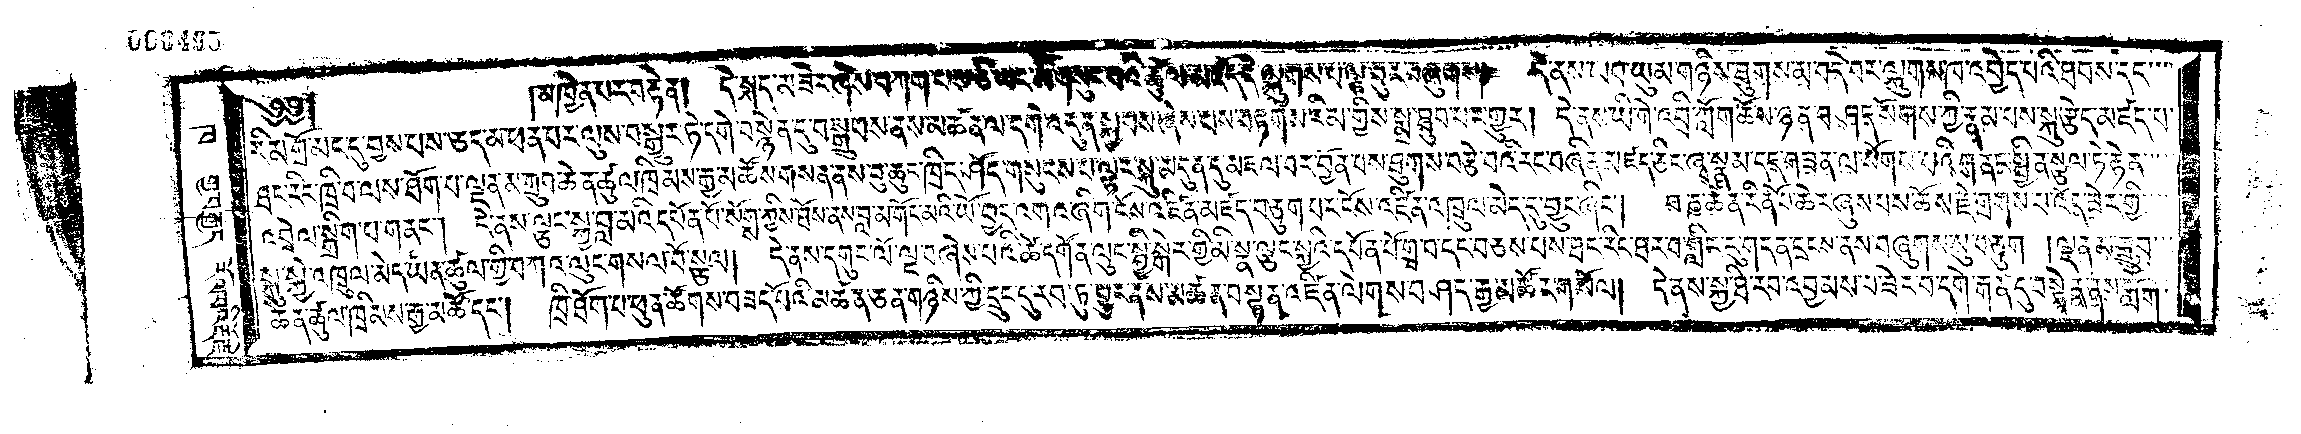༄༅། །མཁྱེན་པར་བརྟེན། དེ་སྐད་མ་ཟེར་ཞེས་བཀག་པས་ཅི་ཡང་མི་གསུང་བའི་ཚུལ་མཛད་དེ་ལྐུགས་བ་ལྟ་བུར་བཞུགས། དེ་ནས་ཡབ་ཡུམ་གཉིས་ཐུགས་མ་བདེ་བར་ལྐུགས་ཁ་འབྱེད་པའི་ཐབས་དང་
རིམ་གྲོ་མང་དུ་བྱས་པས་ཅང་མ་ཕན་པར་ལུས་བསྒྱུར་ཏེ་དགེ་བསྙེན་དུ་བསྒྲུབས་ནས་མཚན་ལ་དགེ་འདུན་སྐྱབས་ཞེས་པས་བཏགས་རིམ་གྱིས་སྨྲ་ཐུབ་པར་གྱུར། དེ་ནས་ཡི་གེ་འབྲི་ཀློག་ཆོས་ཉན་བཤད་སོགས་ཀྱི་རྣམ་པས་སྐུ་རྩེད་མཛད་པ་
ཐང་རིང་ཁྲི་བ་ལས་ཐོག་པ་ལྡན་མ་གྲུབ་ཆེན་ཚུལ་ཁྲིམས་རྒྱ་མཚོས་གསན་ནས་བུ་ཆུང་ཁྲིད་ཤོད་གསུངས་པ་ལྟར་སྐུ་མདུན་དུ་མཇལ་བར་བྱོན་བས་ཐུགས་བརྩེ་བའི་རང་བཞིན་མཛད་ཅིང་ཞྭ་སྣམ་དང་གཟན་ལ་སོགས་པའི་གནང་སྦྱིན་སྩལ་ཏེ་རྟེན་
འབྲེལ་སྒྲིག་པ་གནང་། དེ་ནས་ལྕང་སྐྱ་བླ་མའི་དཔོན་པོ་སོགས་ཀྱིས་ཐོས་ནས་བླ་མ་གོང་མའི་ཡོ་བྱད་འགའ་ཞིག་ངོས་འཛིན་མཛད་བཅུག་པར་ངོས་འཛིན་འཁྲུལ་མེད་དུ་བྱུང་ཞིང་། པཎ་ཆེན་རིན་པོ་ཆེར་ཞུས་པས་ཆོས་རྗེ་གྲགས་པ་འོད་ཟེར་གྱི་
སྐུ་སྐྱེ་འཁྲུལ་མེད་ཡིན་ཚུལ་གྱི་བཀའ་ལུང་གསལ་བོ་སྩལ། དེ་ནས་དགུང་ལོ་ལྔ་བཞེས་པའི་ཚེ་དགོན་ལུང་སྤྱི་སྒེར་གྱི་མི་སྣ་ལྕང་སྐྱའི་དཔོན་པོ་གྲྭ་བ་དང་བཅས་པས་ཐང་རིང་ཐར་པ་གླིང་དུ་གདན་དྲངས་ནས་བཞུགས་སུ་བཅུག །ལྡན་མ་གྲུབ་
ཆེན་ཚུལ་ཁྲིམས་རྒྱ་མཚོ་དང་། ཁྲི་ཐོག་པ་ཕུན་ཚོགས་བཟང་པོའི་མཚན་ཅན་གཉིས་ཀྱི་དྲུང་དུ་རབ་ཏུ་བྱུང་ནས་མཚན་བསྟན་འཛིན་ལེགས་བཤད་རྒྱ་མཚོར་གསོལ། དེ་ནས་སྐྱ་ཐ་རབ་འབྱམས་བ་ཟེར་བ་དགེ་རྒན་དུ་བསྟེན་ནས་ཀློག་